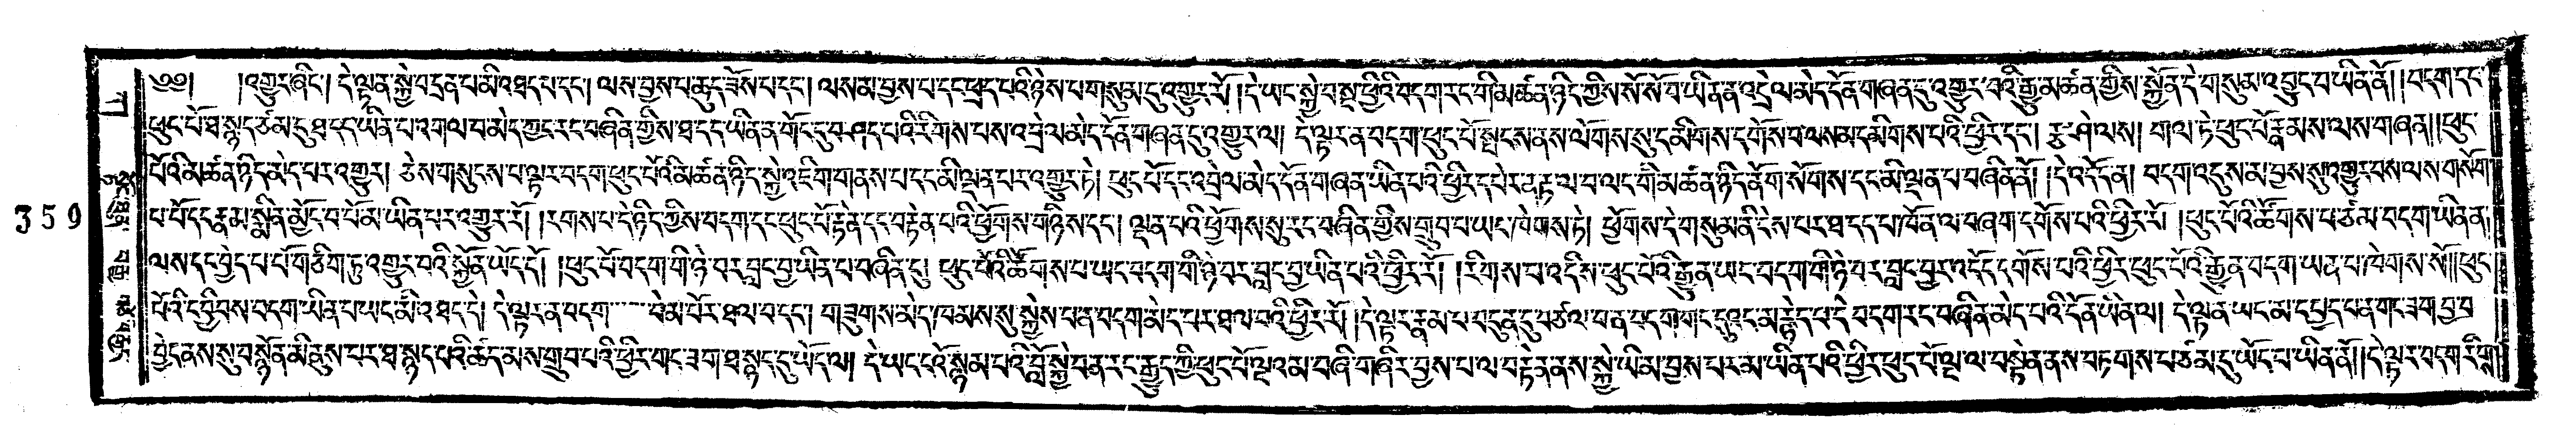༄༅། །འགྱུར་ཞིང་། དེ་ལྟ་ན་སྐྱེ་བ་དྲན་པ་མི་འཐད་པ་དང་། ལས་བྱས་པ་ཆུད་ཟོས་པ་དང་། ལས་མ་བྱས་པ་དང་ཕྲད་པའི་ཉེས་པ་གསུམ་དུ་འགྱུར་རོ། །དེ་ཡང་སྐྱེས་བ་སྔ་ཕྱིའི་བདག་རང་གི་མཚན་ཉིད་ཀྱིས་སོ་སོ་བ་ཡིན་ན་འབྲེལ་མེད་དོན་གཞན་དུ་འགྱུར་བའི་རྒྱུ་མཚན་གྱིས་སྐྱོན་དེ་གསུམ་འབྱུང་བ་ཡིན་ནོ། །བདག་དང་
ཕུང་པོ་ཐ་སྙད་ཙམ་དུ་ཐ་དད་ཡིན་པ་འགལ་བ་མེད་ཀྱང་རང་བཞིན་གྱིས་ཐ་དད་ཡིན་ན་གོང་དུ་བཤད་པའི་རིགས་པས་འབྲེལ་མེད་དོན་གཞན་དུ་འགྱུར་ལ། དེ་ལྟར་ན་བདག་ཕུང་པོ་སྤངས་ནས་ལོགས་སུ་དམིགས་དགོས་པ་ལས་མ་དམིགས་པའི་ཕྱིར་དང་། རྩ་ཤེ་ལས། གལ་ཏེ་ཕུང་པོ་རྣམས་ལས་གཞན། །ཕུང་
པོའི་མཚན་ཉིད་མེད་པར་འགྱུར། ཅེས་གསུངས་པ་ལྟར་བདག་ཕུང་པོའི་མཚན་ཉིད་སྐྱེ་འཇིག་གནས་པ་དང་མི་ལྡན་པར་འགྱུར་ཏེ། ཕུང་པོ་དང་འབྲེལ་མེད་དོན་གཞན་ཡིན་པའི་ཕྱིར་དཔེར་ན་རྟ་ལ་བ་ལང་གི་མཚན་ཉིད་ནོག་སོགས་དང་མི་ལྡན་པ་བཞིན་ནོ། །དེ་འདོད་ན། བདག་འདུས་མ་བྱས་སུ་འགྱུར་བས་ལས་གསོག་
པ་པོ་དང་རྣམ་སྨིན་མྱོང་བ་པོ་མ་ཡིན་པར་འགྱུར་རོ། །རིགས་པ་དེ་ཉིད་ཀྱིས་བདག་དང་ཕུང་པོ་རྟེན་དང་བརྟེན་པའི་ཕྱོགས་གཉིས་དང་། ལྡན་པའི་ཕྱོགས་སུ་རང་བཞིན་གྱིས་གྲུབ་པ་ཡང་ཁེགས་ཏེ། ཕྱོགས་དེ་གསུམ་ནི་ངེས་པར་ཐ་དད་པ་ཁོ་ན་ལ་བཞག་དགོས་པའི་ཕྱིར་རོ། །ཕུང་པོའི་ཚོགས་པ་ཙམ་བདག་ཡིན་ན༑
ལས་དང་བྱེད་པ་པོ་གཅིག་ཏུ་འགྱུར་བའི་སྐྱོན་ཡོད་དོ། །ཕུང་པོ་བདག་གི་ཉེ་བར་བླང་བྱ་ཡིན་པ་བཞིན་དུ། ཕུང་པོའི་ཚོགས་པ་ཡང་བདག་གི་ཉེ་བར་བླང་བྱ་ཡིན་པའི་ཕྱིར་རོ། །རིགས་པ་འདིས་ཕུང་པོའི་རྒྱུན་ཡང་བདག་གི་ཉེ་བར་བླང་བྱར་འདོད་དགོས་པའི་ཕྱིར་ཕུང་པོ་རྒྱུན་བདག་ཡིན་པ་ཁེགས་སོ། །ཕུང་
པོའི་དབྱིབས་བདག་ཡིན་པ་ཡང་མི་འཐད་དེ། དེ་ལྟར་ན་བདག་བེམ་པོར་ཐལ་བ་དང་། གཟུགས་མེད་ཁམས་སུ་སྐྱེས་པ་ན་བདག་མེད་པར་ཐལ་བའི་ཕྱིར་རོ། །དེ་ལྟར་རྣམ་པ་བདུན་དུ་བཙལ་བ་ན་བདག་གང་དུའང་མ་རྙེད་པ་དེ་བདག་རང་བཞིན་མེད་པའི་དོན་ཡིན་ལ། དེ་ལྟ་ན་ཡང་མ་དཔྱད་པ་ན་གང་ཟག་བྱ་བ་
བྱེད་ནས་སུ་བསྙོན་མི་ནུས་པར་ཐ་སྙད་པའི་ཚད་མས་གྲུབ་པའི་ཕྱིར་གང་ཟག་ཐ་སྙད་དུ་ཡོད་ལ། དེ་ཡང་ངའོ་སྙམ་པའི་བློ་སྐྱེ་བ་ན་རང་རྒྱུད་ཀྱི་ཕུང་པོ་ལྔའམ་བཞི་གཞིར་བྱས་པ་ལ་བརྟེན་ནས་སྐྱེ་ཡི་མ་བྱས་པར་མ་ཡིན་པའི་ཕྱིར་ཕུང་པོ་ལྔ་ལ་བརྟེན་ནས་བཏགས་པ་ཙམ་དུ་ཡོད་པ་ཡིན་ནོ། །དེ་ལྟར་བདག་རིགས་